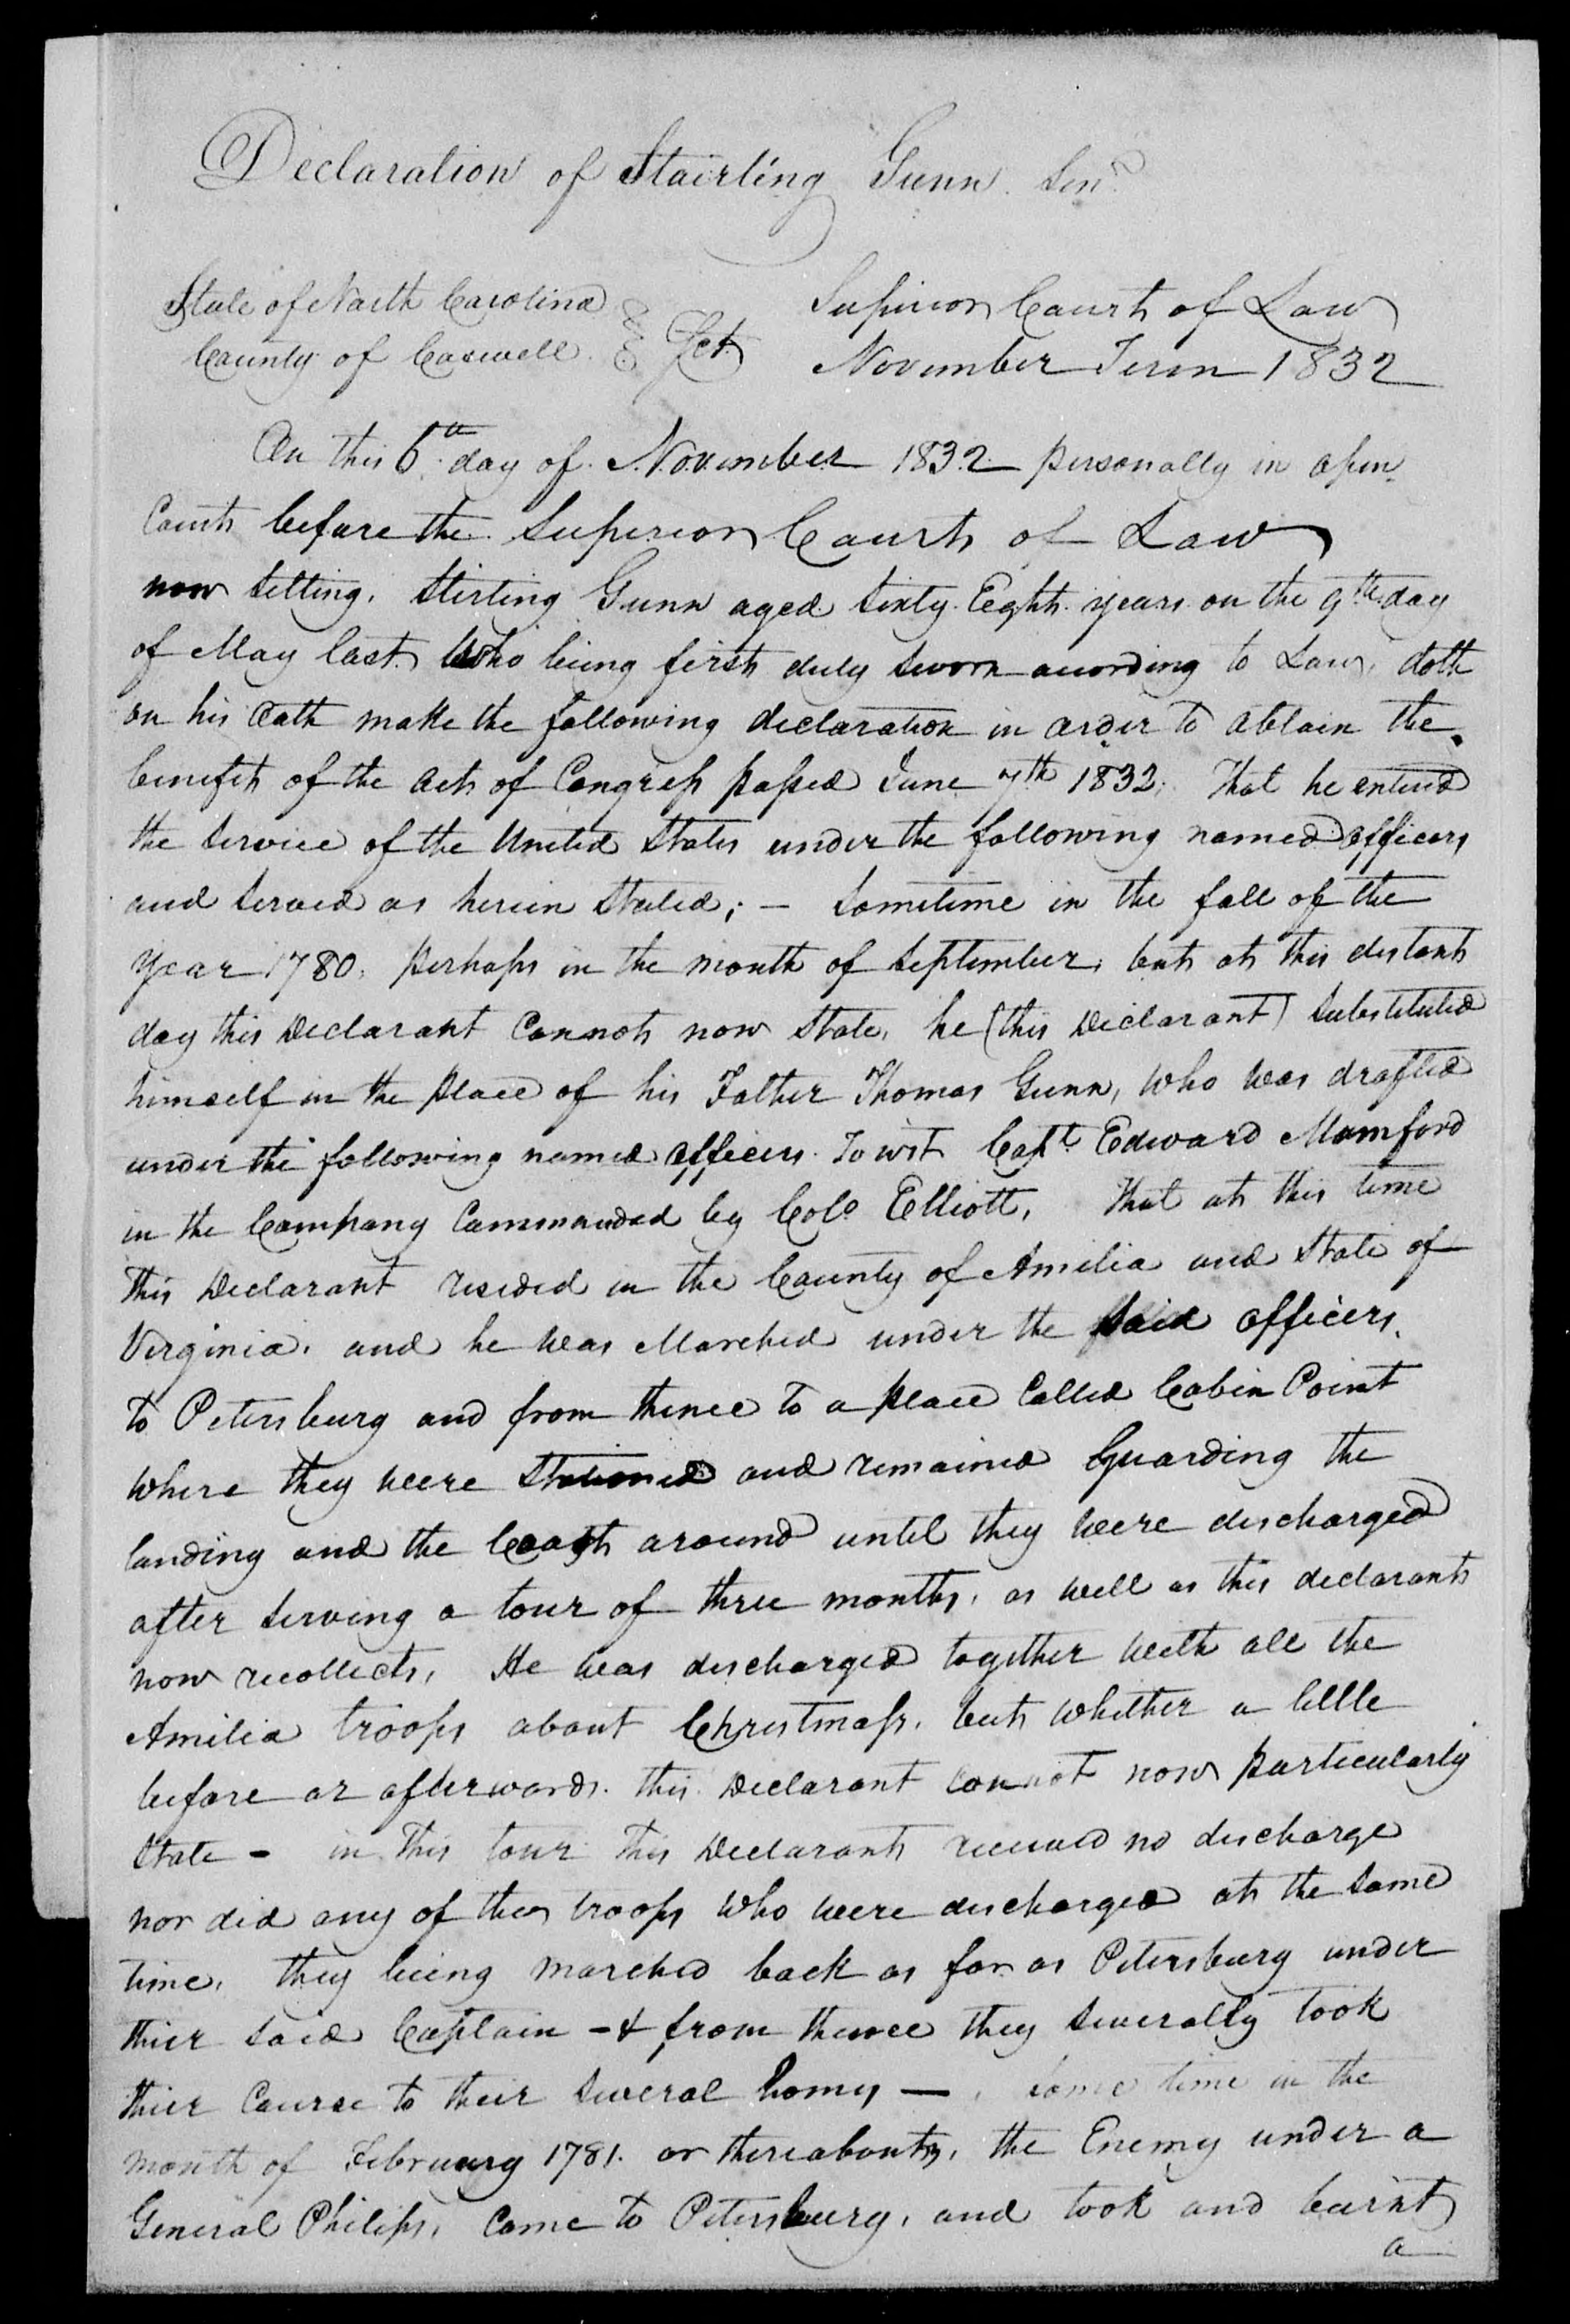Declaration of Stairling Gunn. Senr.
State of North Carolina  County of Caswell } Sct.
Superior Court of Law November Term 1832.
On this 6th day of November 1832 personally in upon court before the Superior Court of Law now sitting, Stirling Gunn aged Sixty Eight years on the 9th day of May last who being first duly sworn according to Law doth on his oath make the following declaration in order to obtain the benefit of the acts of Congress passed June 7th 1832.  That he entered the service of the United States under the following named officers and served as herein stated;—  Sometime in the fall of the year 1780, perhaps in the month of September, but at this distant day this Declarant cannot now state, he (this Declarant) substituted himself in the place of his Father Thomas Gunn, who was drafted under the following named officers.  To wit, Capt. Edward Mumford in the Company Commanded by Colonel. Elliott.  That at this time this Declarant resided in the County of Amelia and State of Virginia, and he was Marched under the said officers, to Petersburg and from thence to a place called Cabin Point where they were stationed and remained Guarding the landing and the beach around until they were discharged after serving a tour of three months, as well as this declarant, not recollects.  He was discharged together with all the Amelia troops about Christmas's, but whether a little before or afterwards, this Declarant cannot now particularly state.  in this tour this Declarant received no discharge nor did any of the troops who were discharged at the same time.  They being marched back as far as Petersburg under their said Captain — & from thence they severally took their course to their several homes—.  Some time in the month of February 1781. or thereabouts, the Enemy under a General Philips, came to Petersburg, and took and burnt a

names: Edward Mumford, Thomas Gunn, Stirling Gunn, Philips, Elliott, Stairling Gunn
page: 4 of 58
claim: survivor's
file: S. 6,941, Starling Gunn, Continental Va.